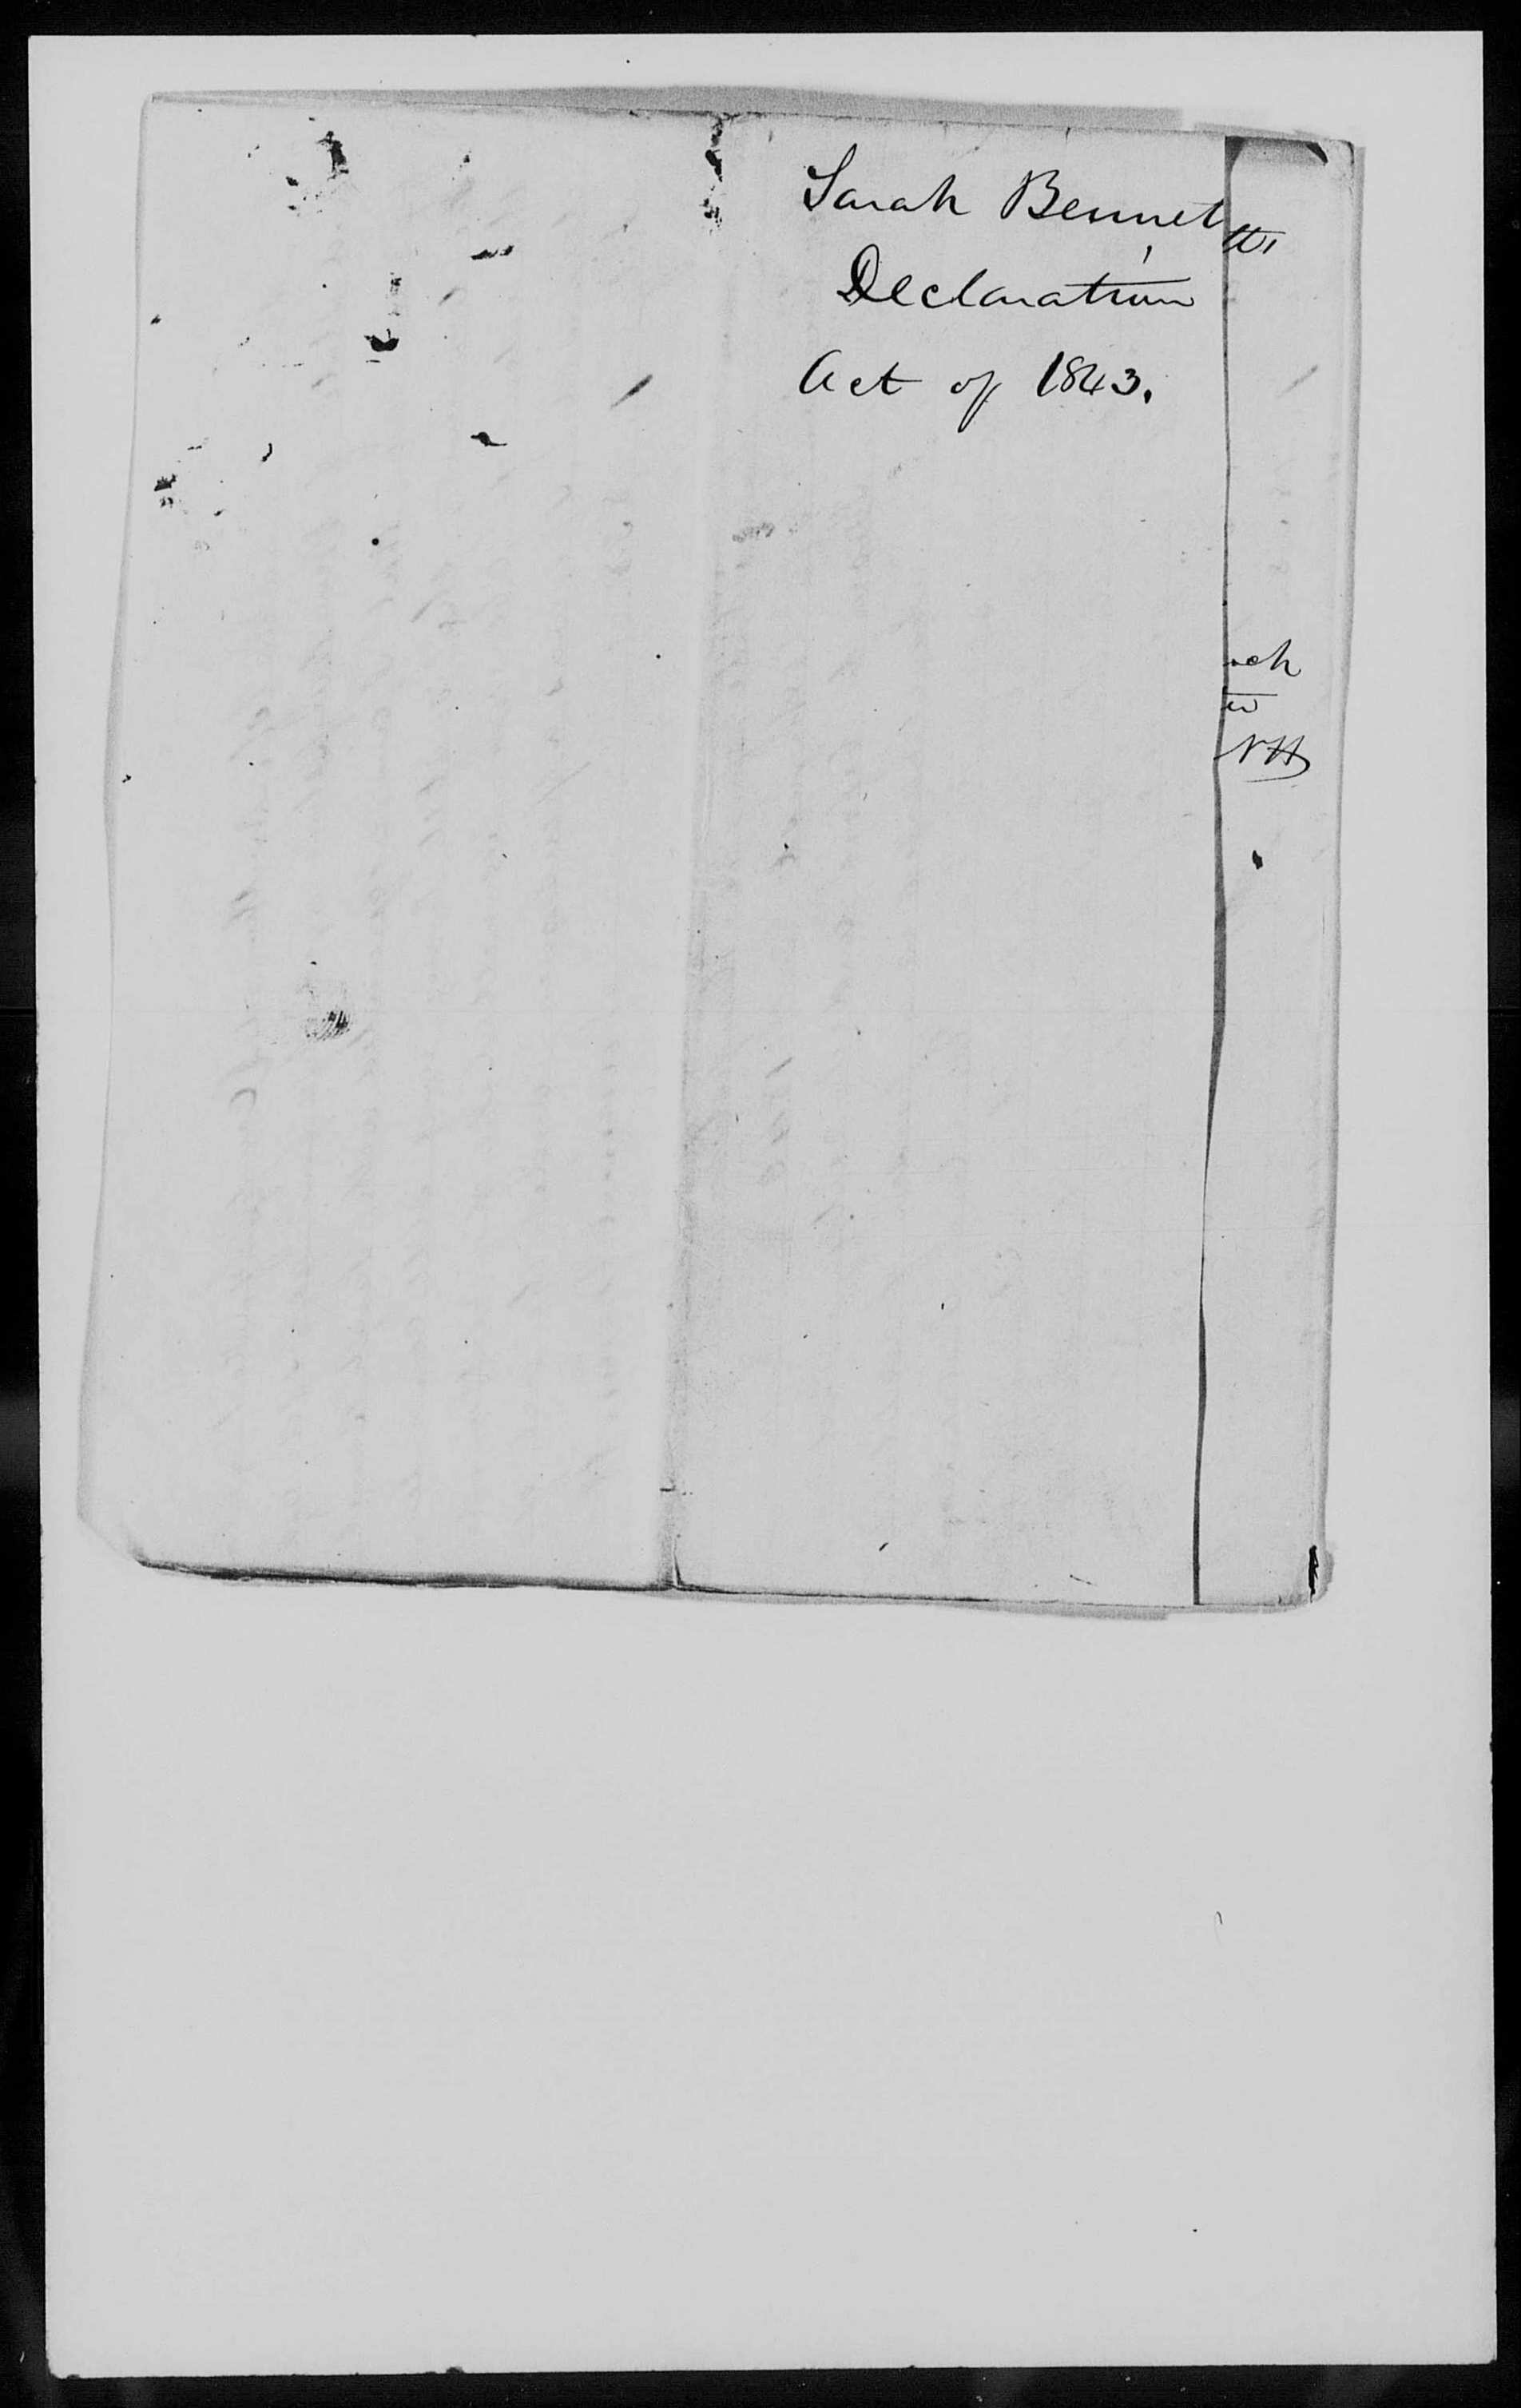Sarah Bennett
Declaration
Act of 1843.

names: Sarah Bennet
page: 29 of 43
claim: widow's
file: W. 21665, Ebenezer Bennett, N. H. Privateer.